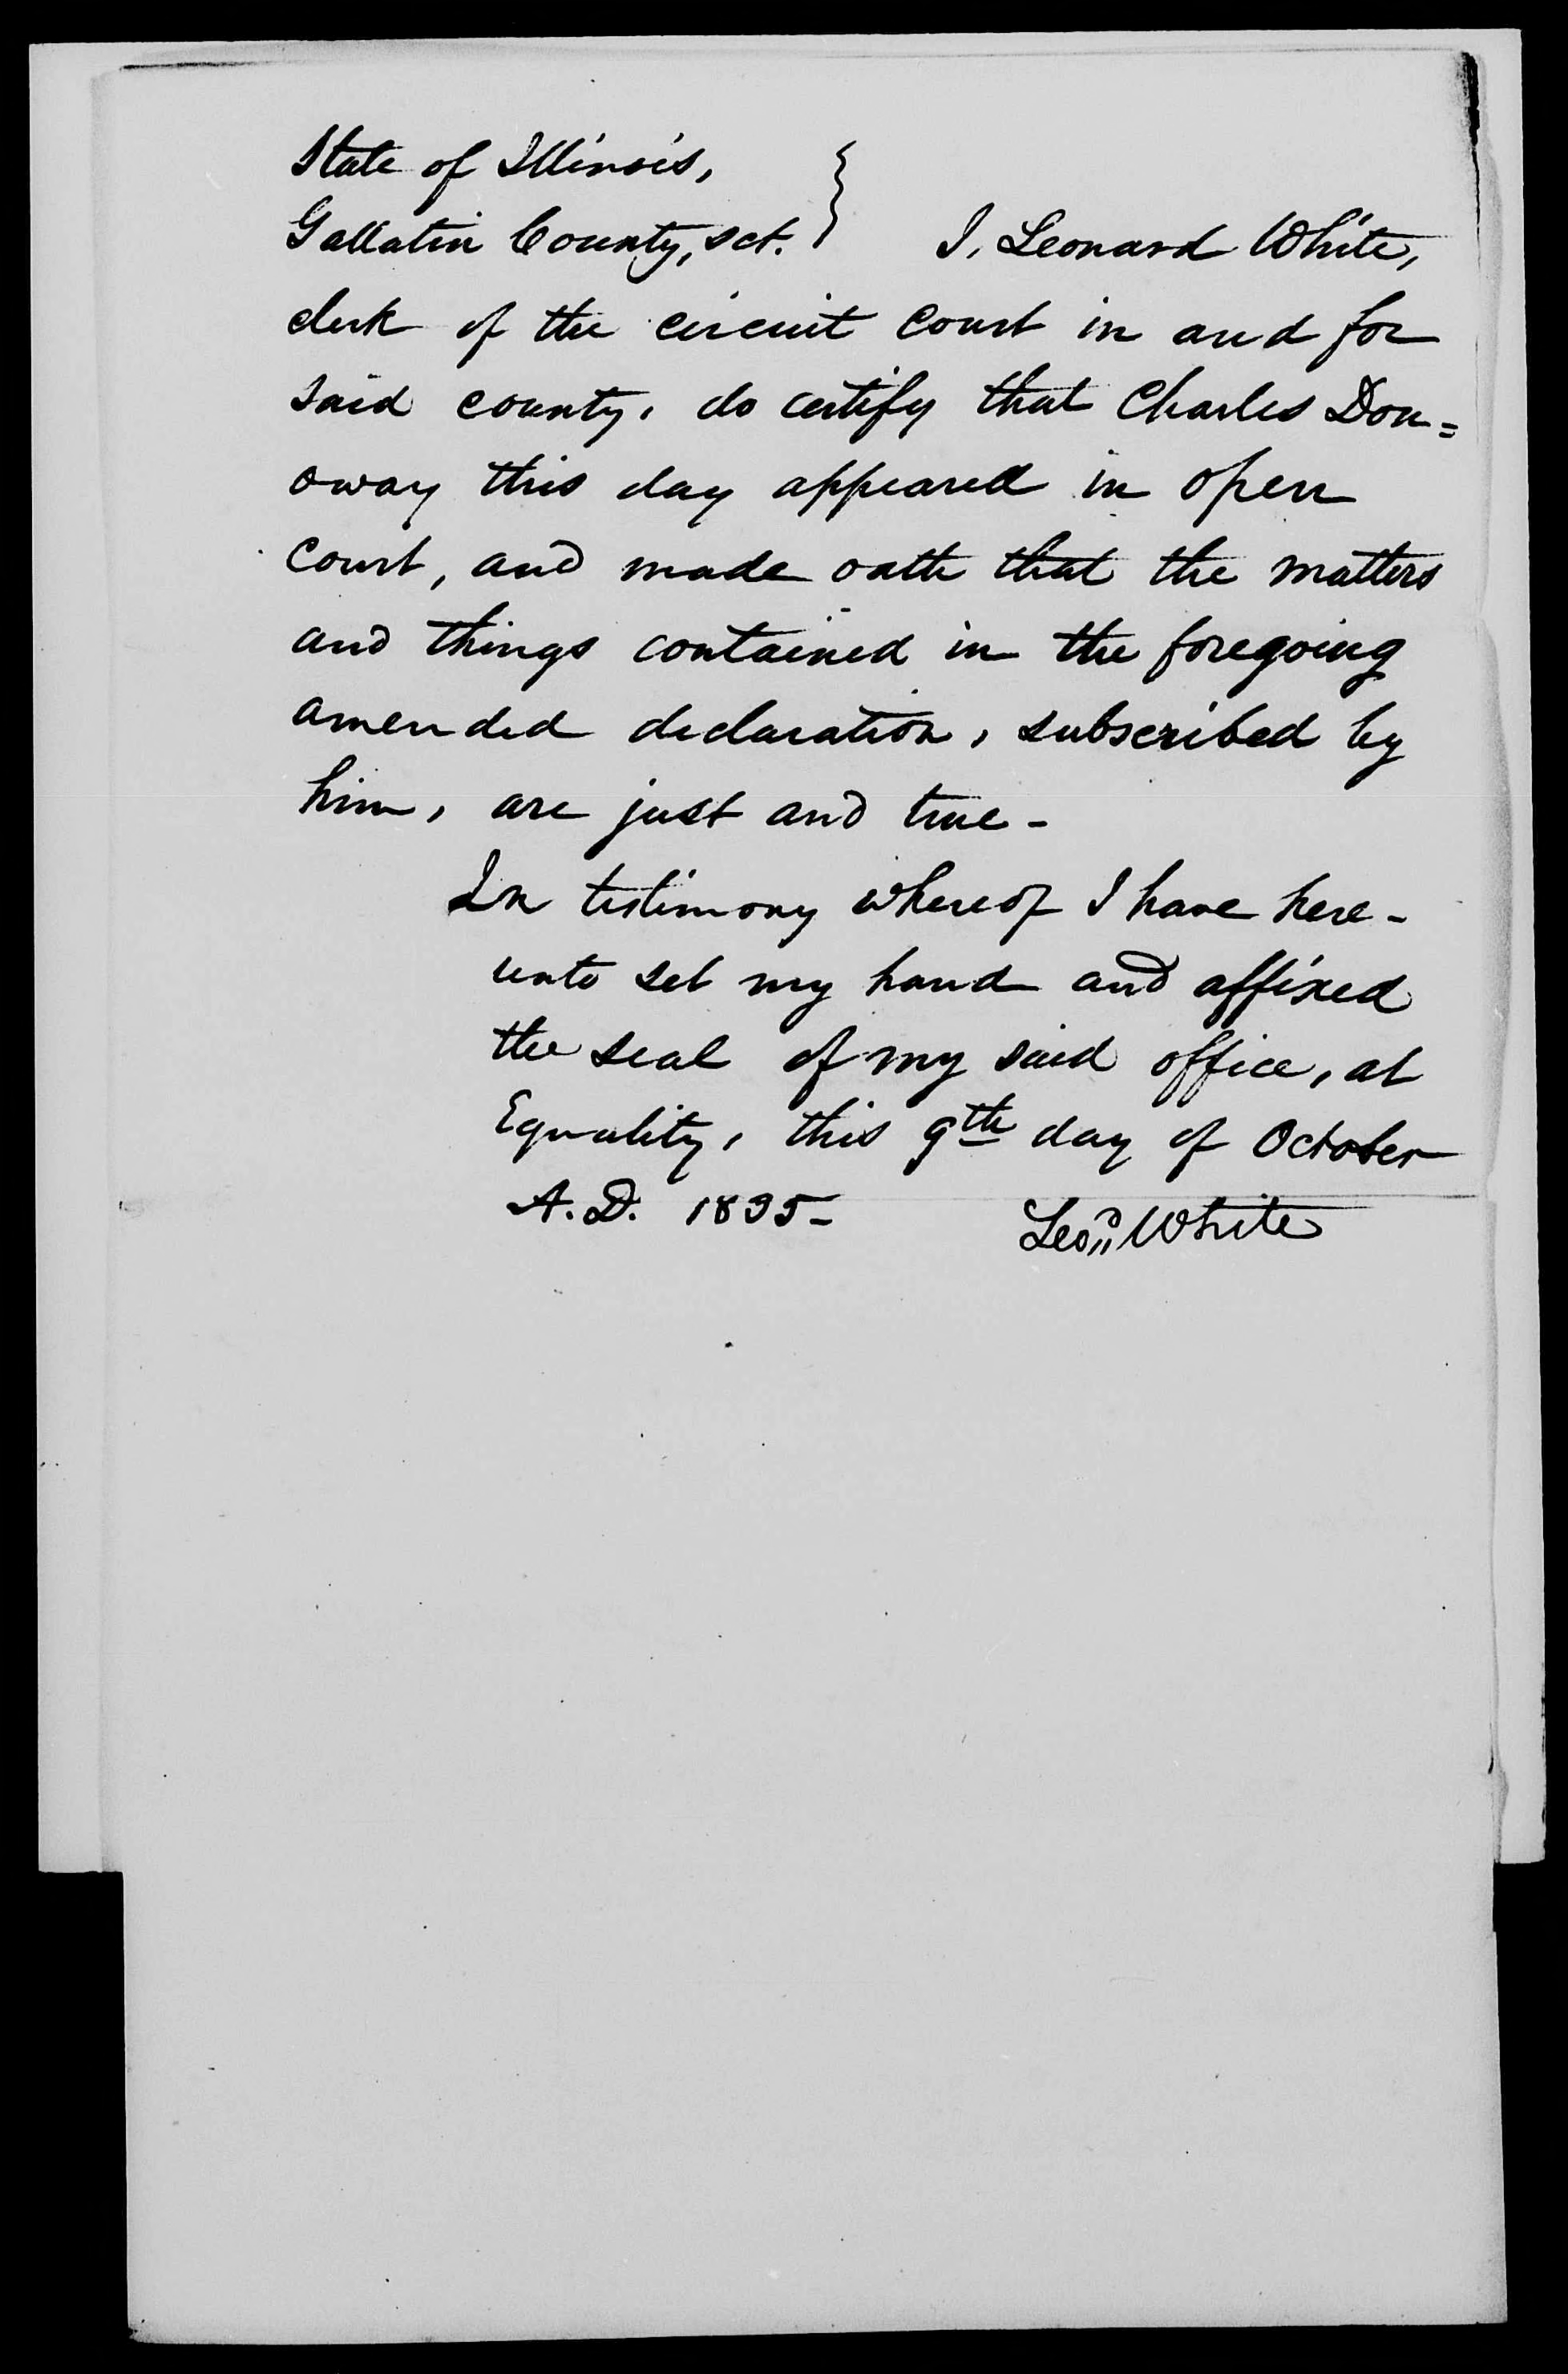State of Illinois,
Gallatin County, sct. I, Leonard White, clerk of the circuit court in and for said county do certify that Charles Donoway this day appeared in open court, and made oath that the matters and things contained in the foregoing amended declaration, subscribed by him, are just and true-
In testimony whereof I have hereunto set my hand and affixed the seal of my said office, at Equality, this 9th day of October A.D. 1835
Leod White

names: Leonard White, Charles Donoway, Leod White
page: 11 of 29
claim: rejected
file: R. 3010, Charles Donaway, Va.